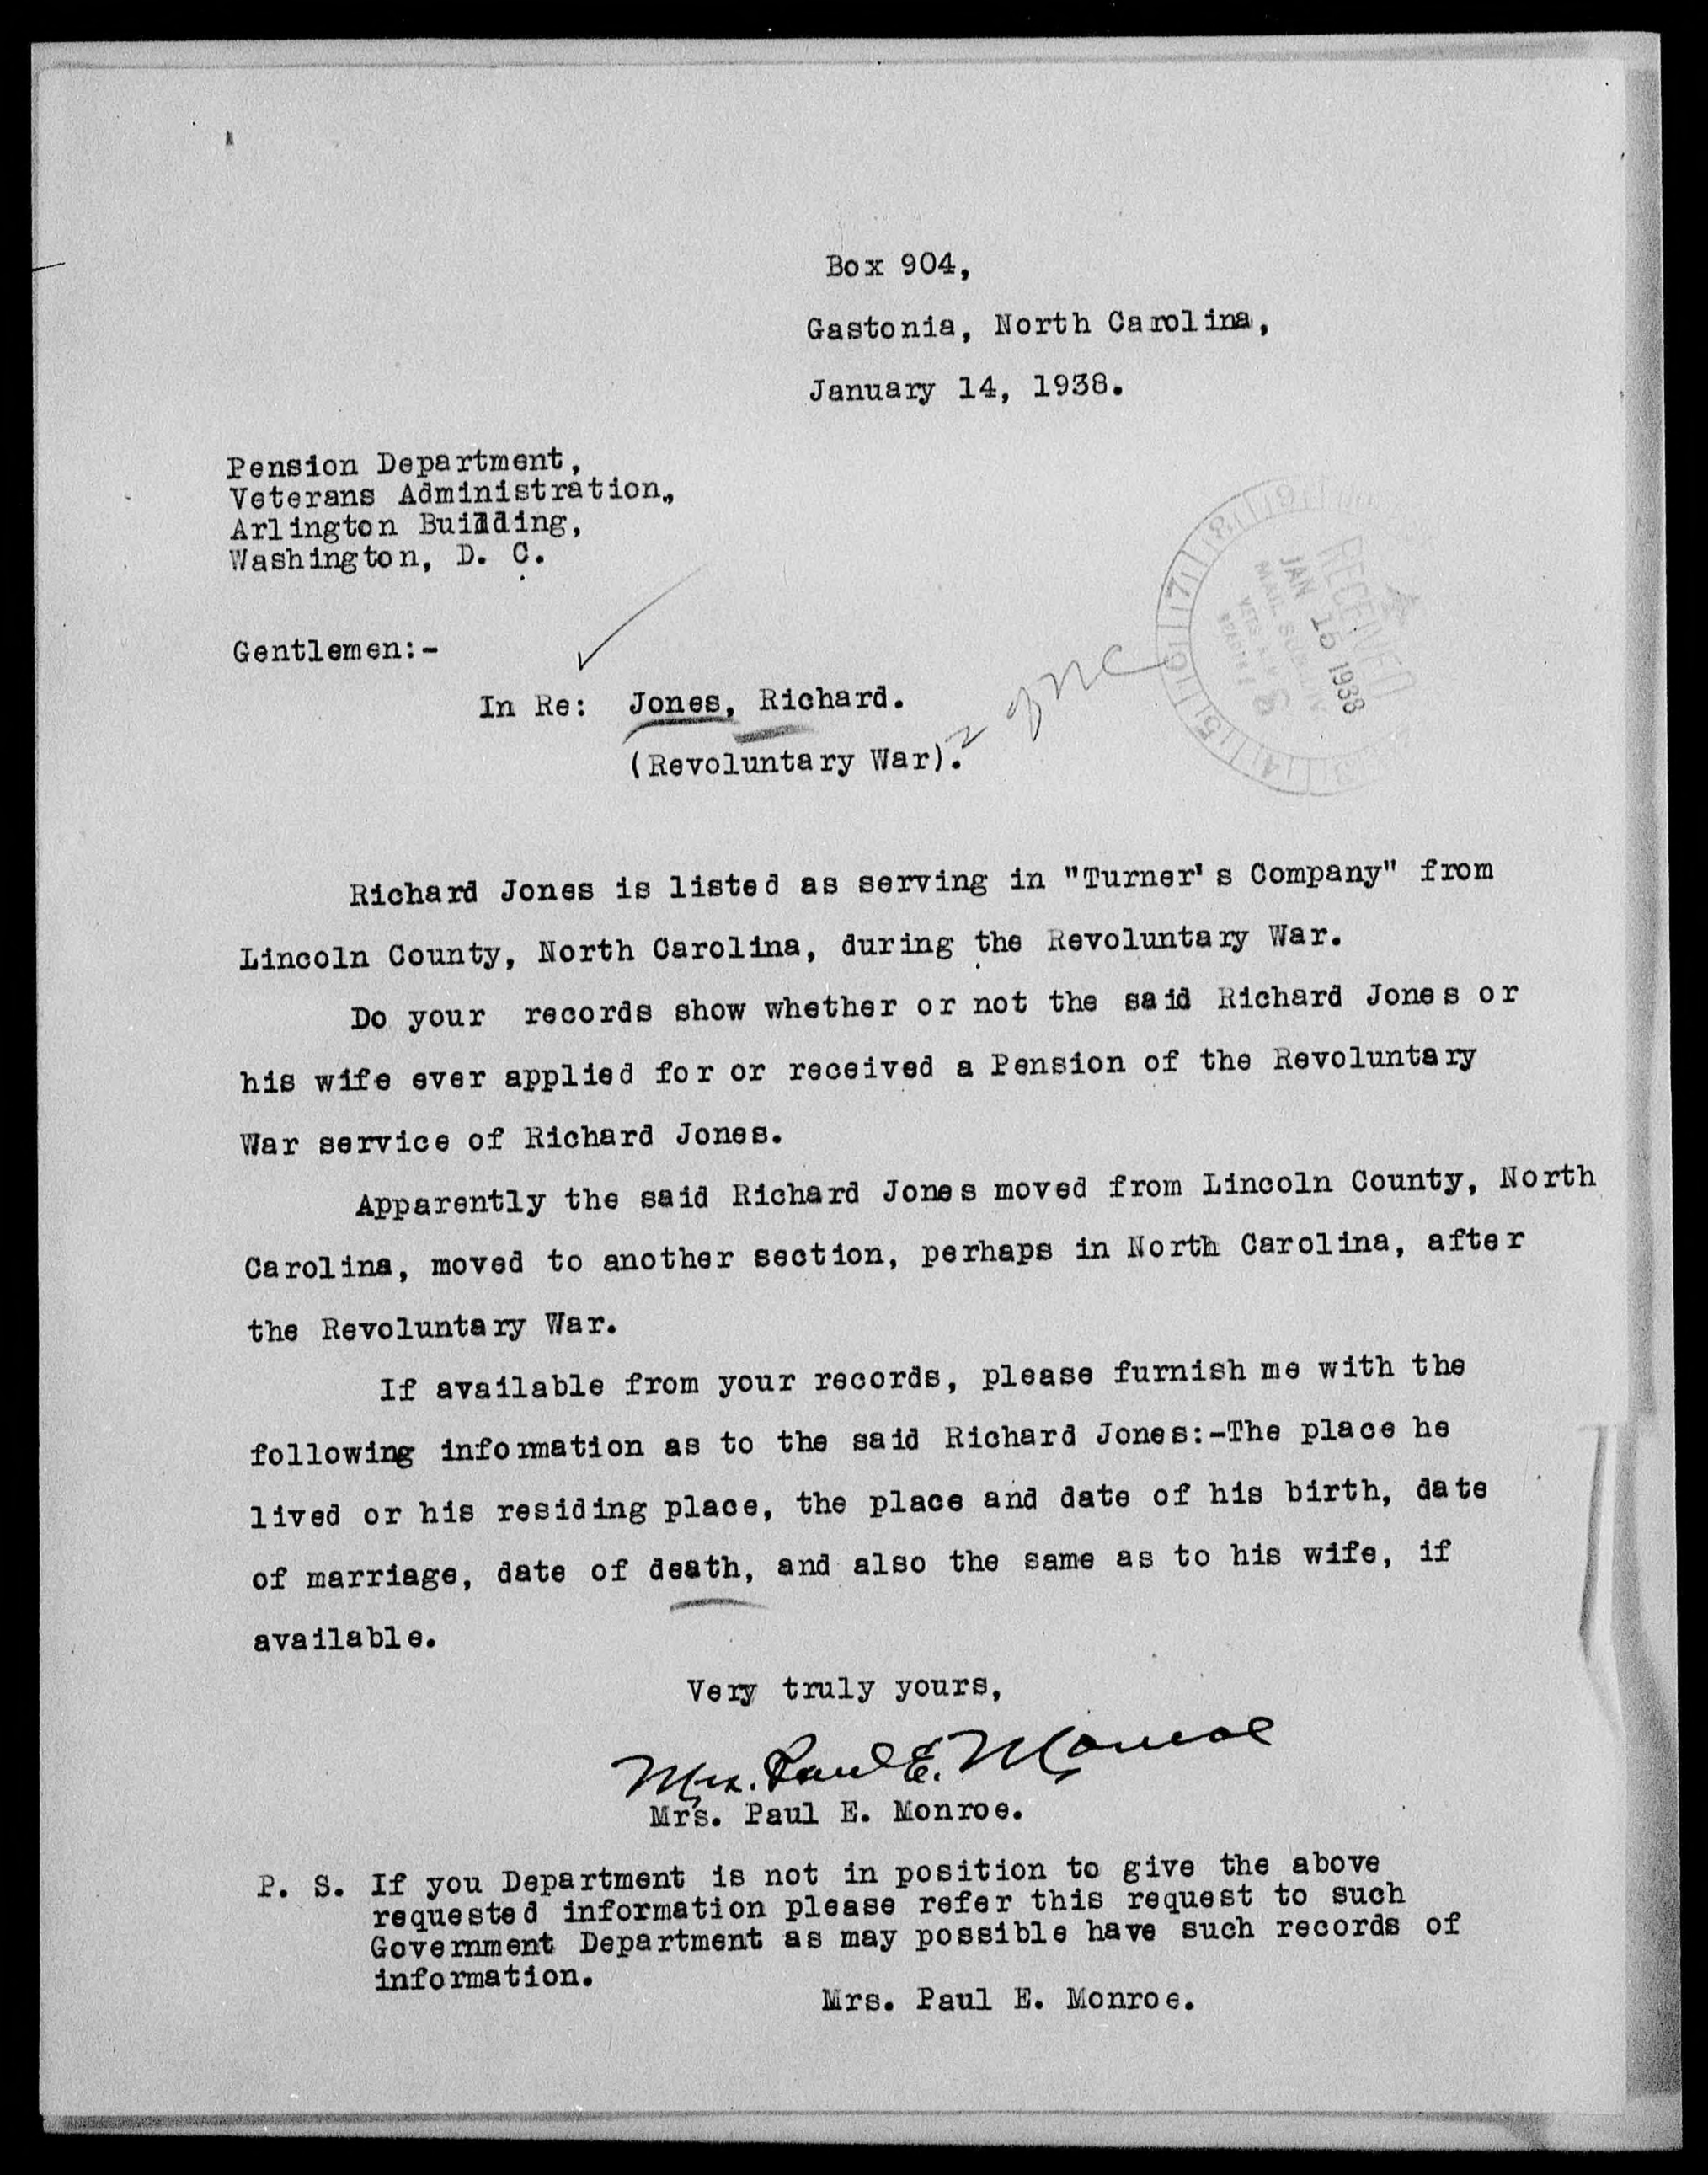Box 904,
Gastonia, North Carolina,
January 14, 1938.

Pension Department,
Veterans Administration,
Arlington Building,
Washington, D.C.

Gentlemen: -

In Re:  Jones, Richard.
(Revoluntary War).

Richard Jones is listed as serving in "Turner's Company" from 
Lincoln County, North Carolina, during the Revoluntary War.
Do your records show whether or not the said Richard Jones or 
his wife ever applied for or received a Pension of the Revoluntary
War service of Richard Jones.

Apparently the said Richard Jones moved from Lincoln County, North
Carolina, moved to another section, perhaps in North Carolina, after
the Revoluntary War.

If available from your records, please furnish me with the 
following information as to the said Richard Jones: - The place he 
lived or his residing place, the place and date of his birth, date
of marriage, date of death, and also the same as to his wife, if 
available.

Very truly yours,

Mrs. Paul E. Monroe.


P.S.  If you Department is not in position to give the above
requested information please refer this request to such 
Government Department as may possible have such records of 
information.

Mrs. Paul E. Monroe.

[handwritten note above near his name] 2 of NC

[date stamp]
RECEIVED
JAN 15 1938
MAIL SUB.-DIV
VETS ADM
READER #8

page: 32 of 33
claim: rejected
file: R. 1554, for Richard Jones, North Carolina